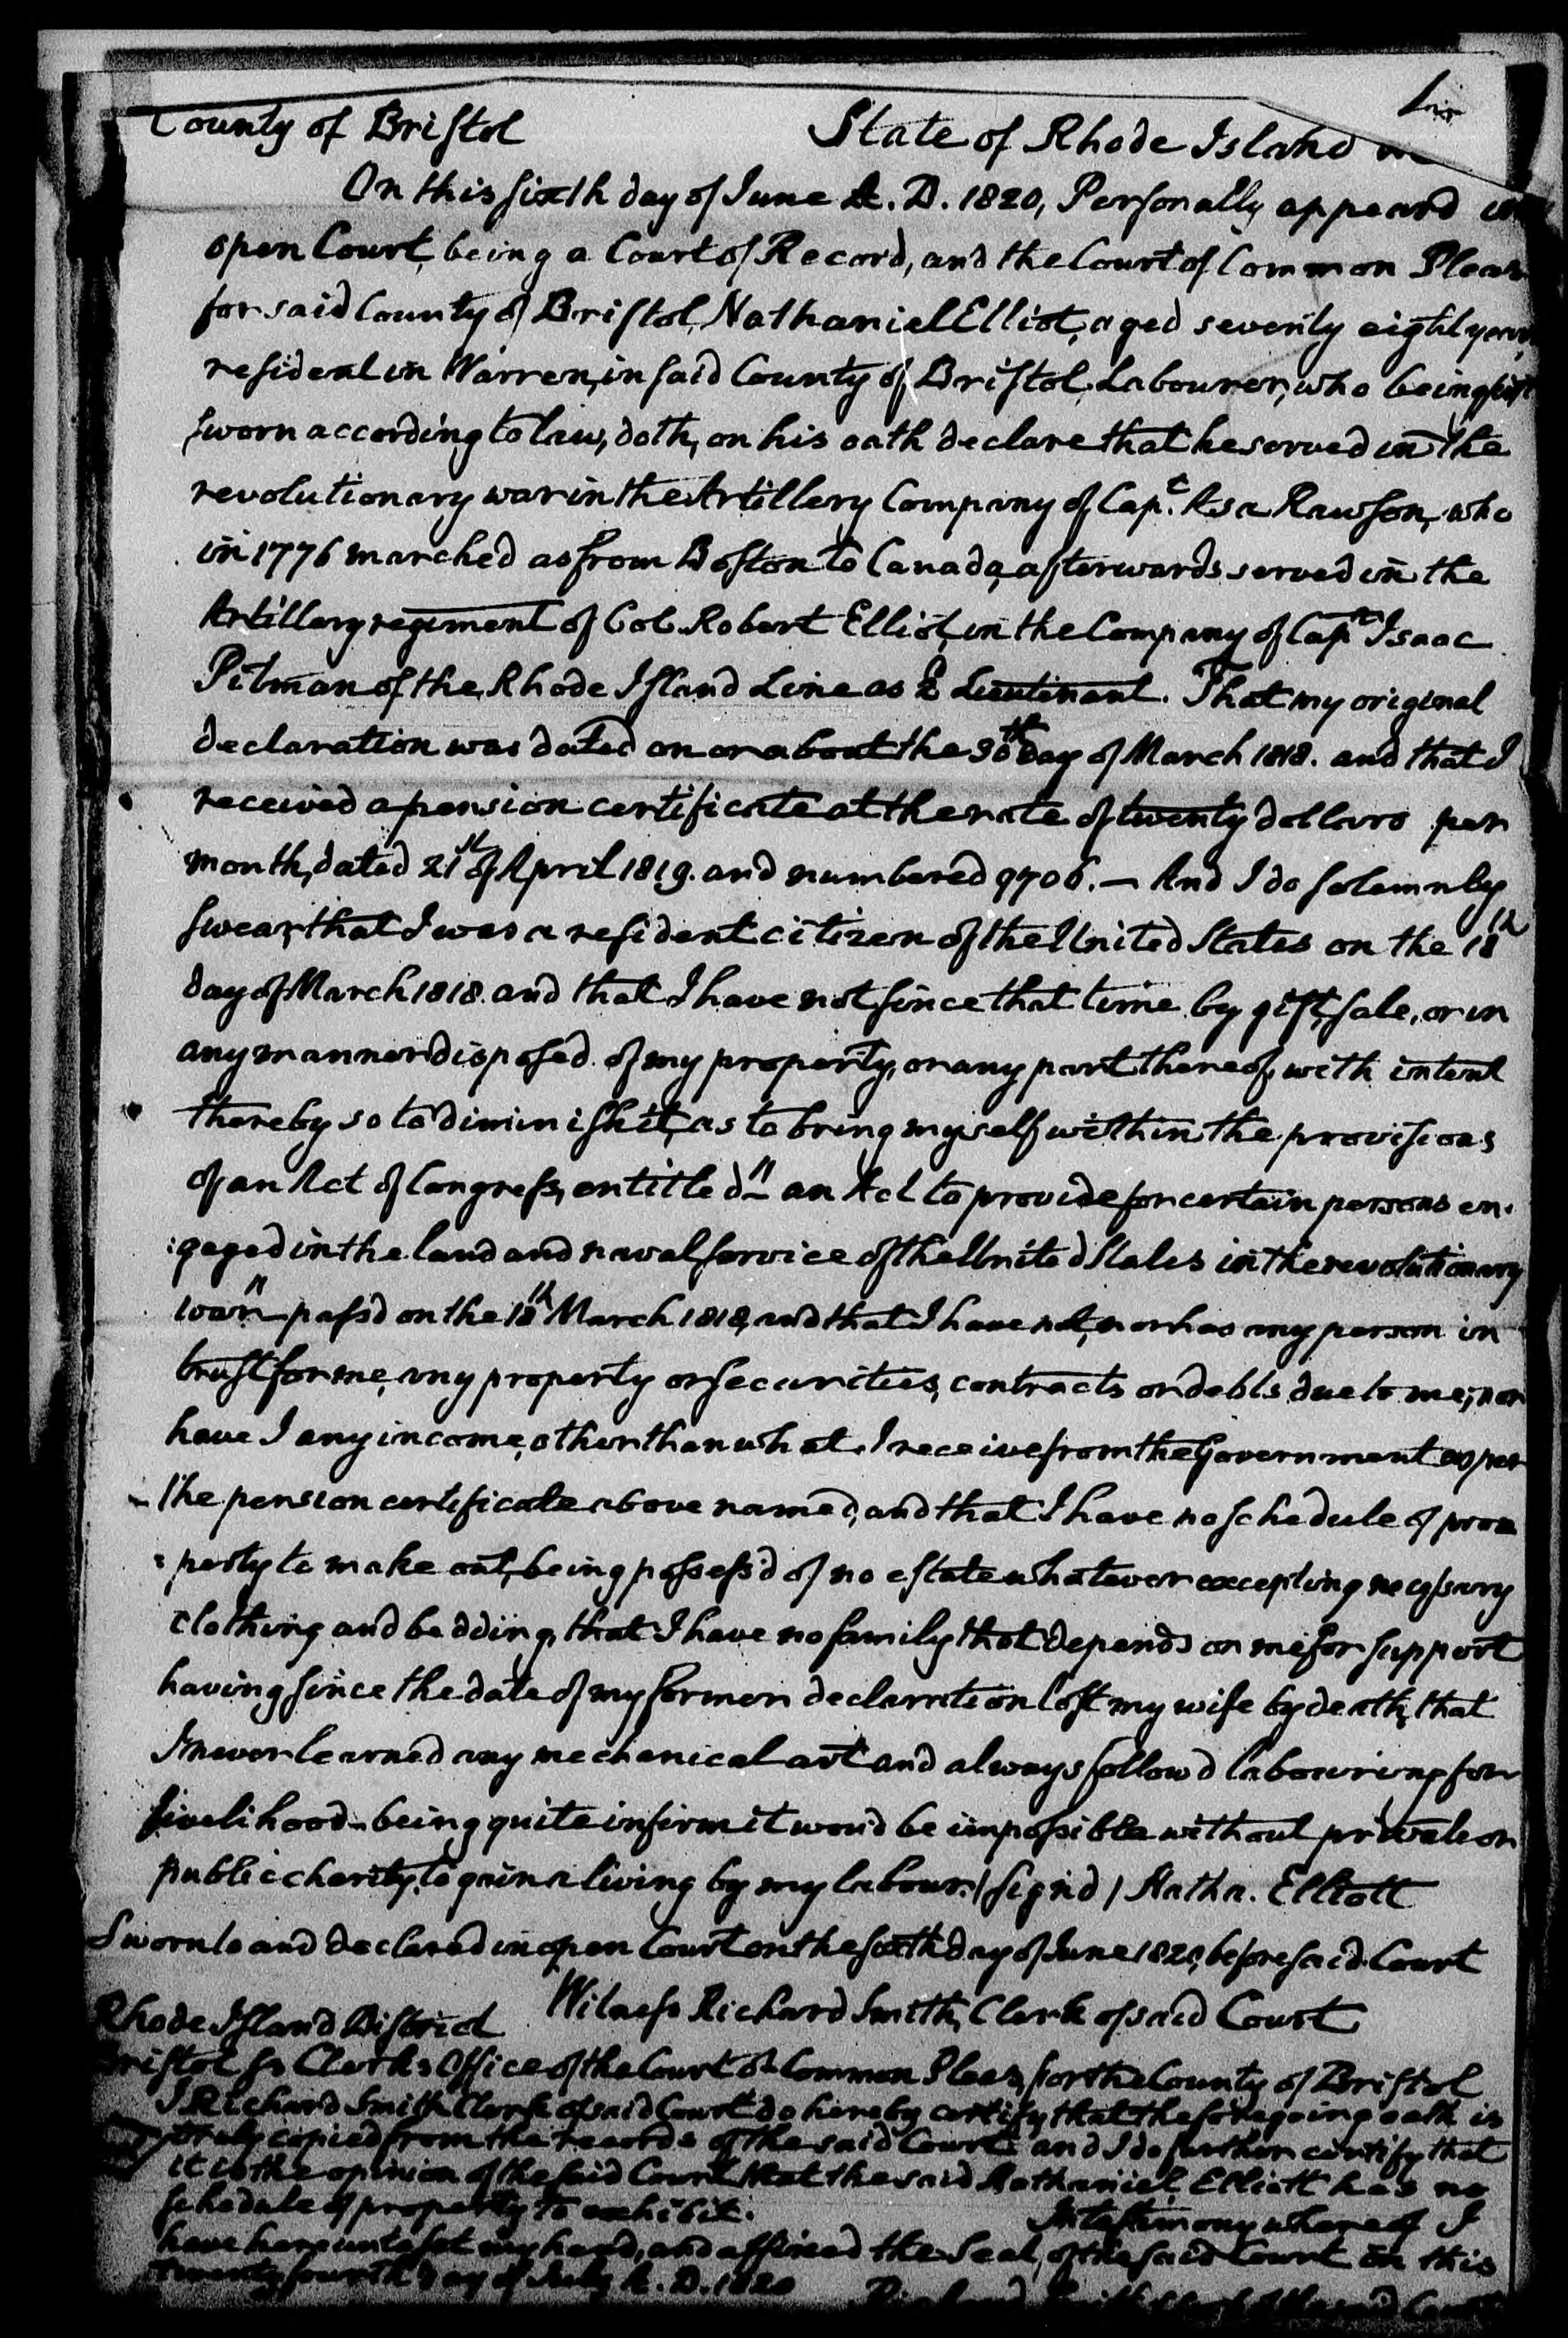County of Bristol    State of Rhode Island [obscured]
On this sixth day of June A.D. 1820, personally appeared in 
open Court, being a Court of Record, and the Court of Common Pleas
for said County of Bristol, Nathaniel Elliott, aged seventy eight years 
resident in Warren, in said County of Bristol, labourer, who being duly 
Sworn according to law, doth, on his oath declare that he served in the
revolutionary war in the Artillery Company of Capt. Asa Rawson, who
in 1776 marched as from Boston to Canada, afterwards served in the
artillery regiment of Col Robert Elliot in the Company of Capt. Isaac
Pitman of the Rhode Island Line as 2d Lieutenant. That my original
declaration was dated on or about the 30th day of March 1818 and that I 
received a pension certificate at the rate of twenty dollars per
month, dated 21st of April 1819 and numbered 9706. And I do solemnly
swear that I was a resident citizen of the United States on the 18th 
day of March 1818 and that I have not since that time by gift, sale or in
any manner disposed of my property, or any part thereof with intent
thereby so to diminish as to bring myself within the provisions
of an act of Congress entitled "an act to provide for certain persons 
engaged in the land and naval service of the United States in the revolutionary war” 
passed on the 11th March 1818 and that I have not, nor has any person in  
trust for me any property or securities, contracts or debts due to me; nor 
have I any income other than what I receive from the Government as per 
the pension certificate above named, and that I have no schedule of
property to make out, being possessed of no estate whatever excepting my
clothing and bedding that I have no family that depends on me for support 
having since the date of my former declaration lost my wife by death that
I never learned any mechanical art and always followed laboring for
livelihood being quite infirm it would be impossible without private or  
public charity to gain living by my labour. (Signed) Nathn. Elliott
Sworn to and declared in open Court on the fourth day of June 1820, before said Court
Witness Richard Smith Clerk of said Court
Rhode Island District
Bristol Ss Clerks Office of the Court of Common Pleas for the County of Bristol
I Richard Smith Clerk of said Court do hereby certify that the foregoing oath is
truly copied from the records of the said Court and I do further certify that it is the
opinion of the said Court that the said Nathaniel Elliott has no 
schedule property to exhibit
(seal)
In testimony whereof I have hereunto set my hand and affixed the seal of the said Court on this 
Twenty fourth day of July A. D. 1820
Richard Smith Clerk of said Court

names: Richard Smith, Nathaniel Elliott, Nathaniel Elliot, Asa Rawson, Isaac Pitman, Richard Smith, Richard Smith, Natha Elliott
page: 29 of 29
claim: survivor's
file: S. 38679, Nathaniel Elliot, Continental R.I.